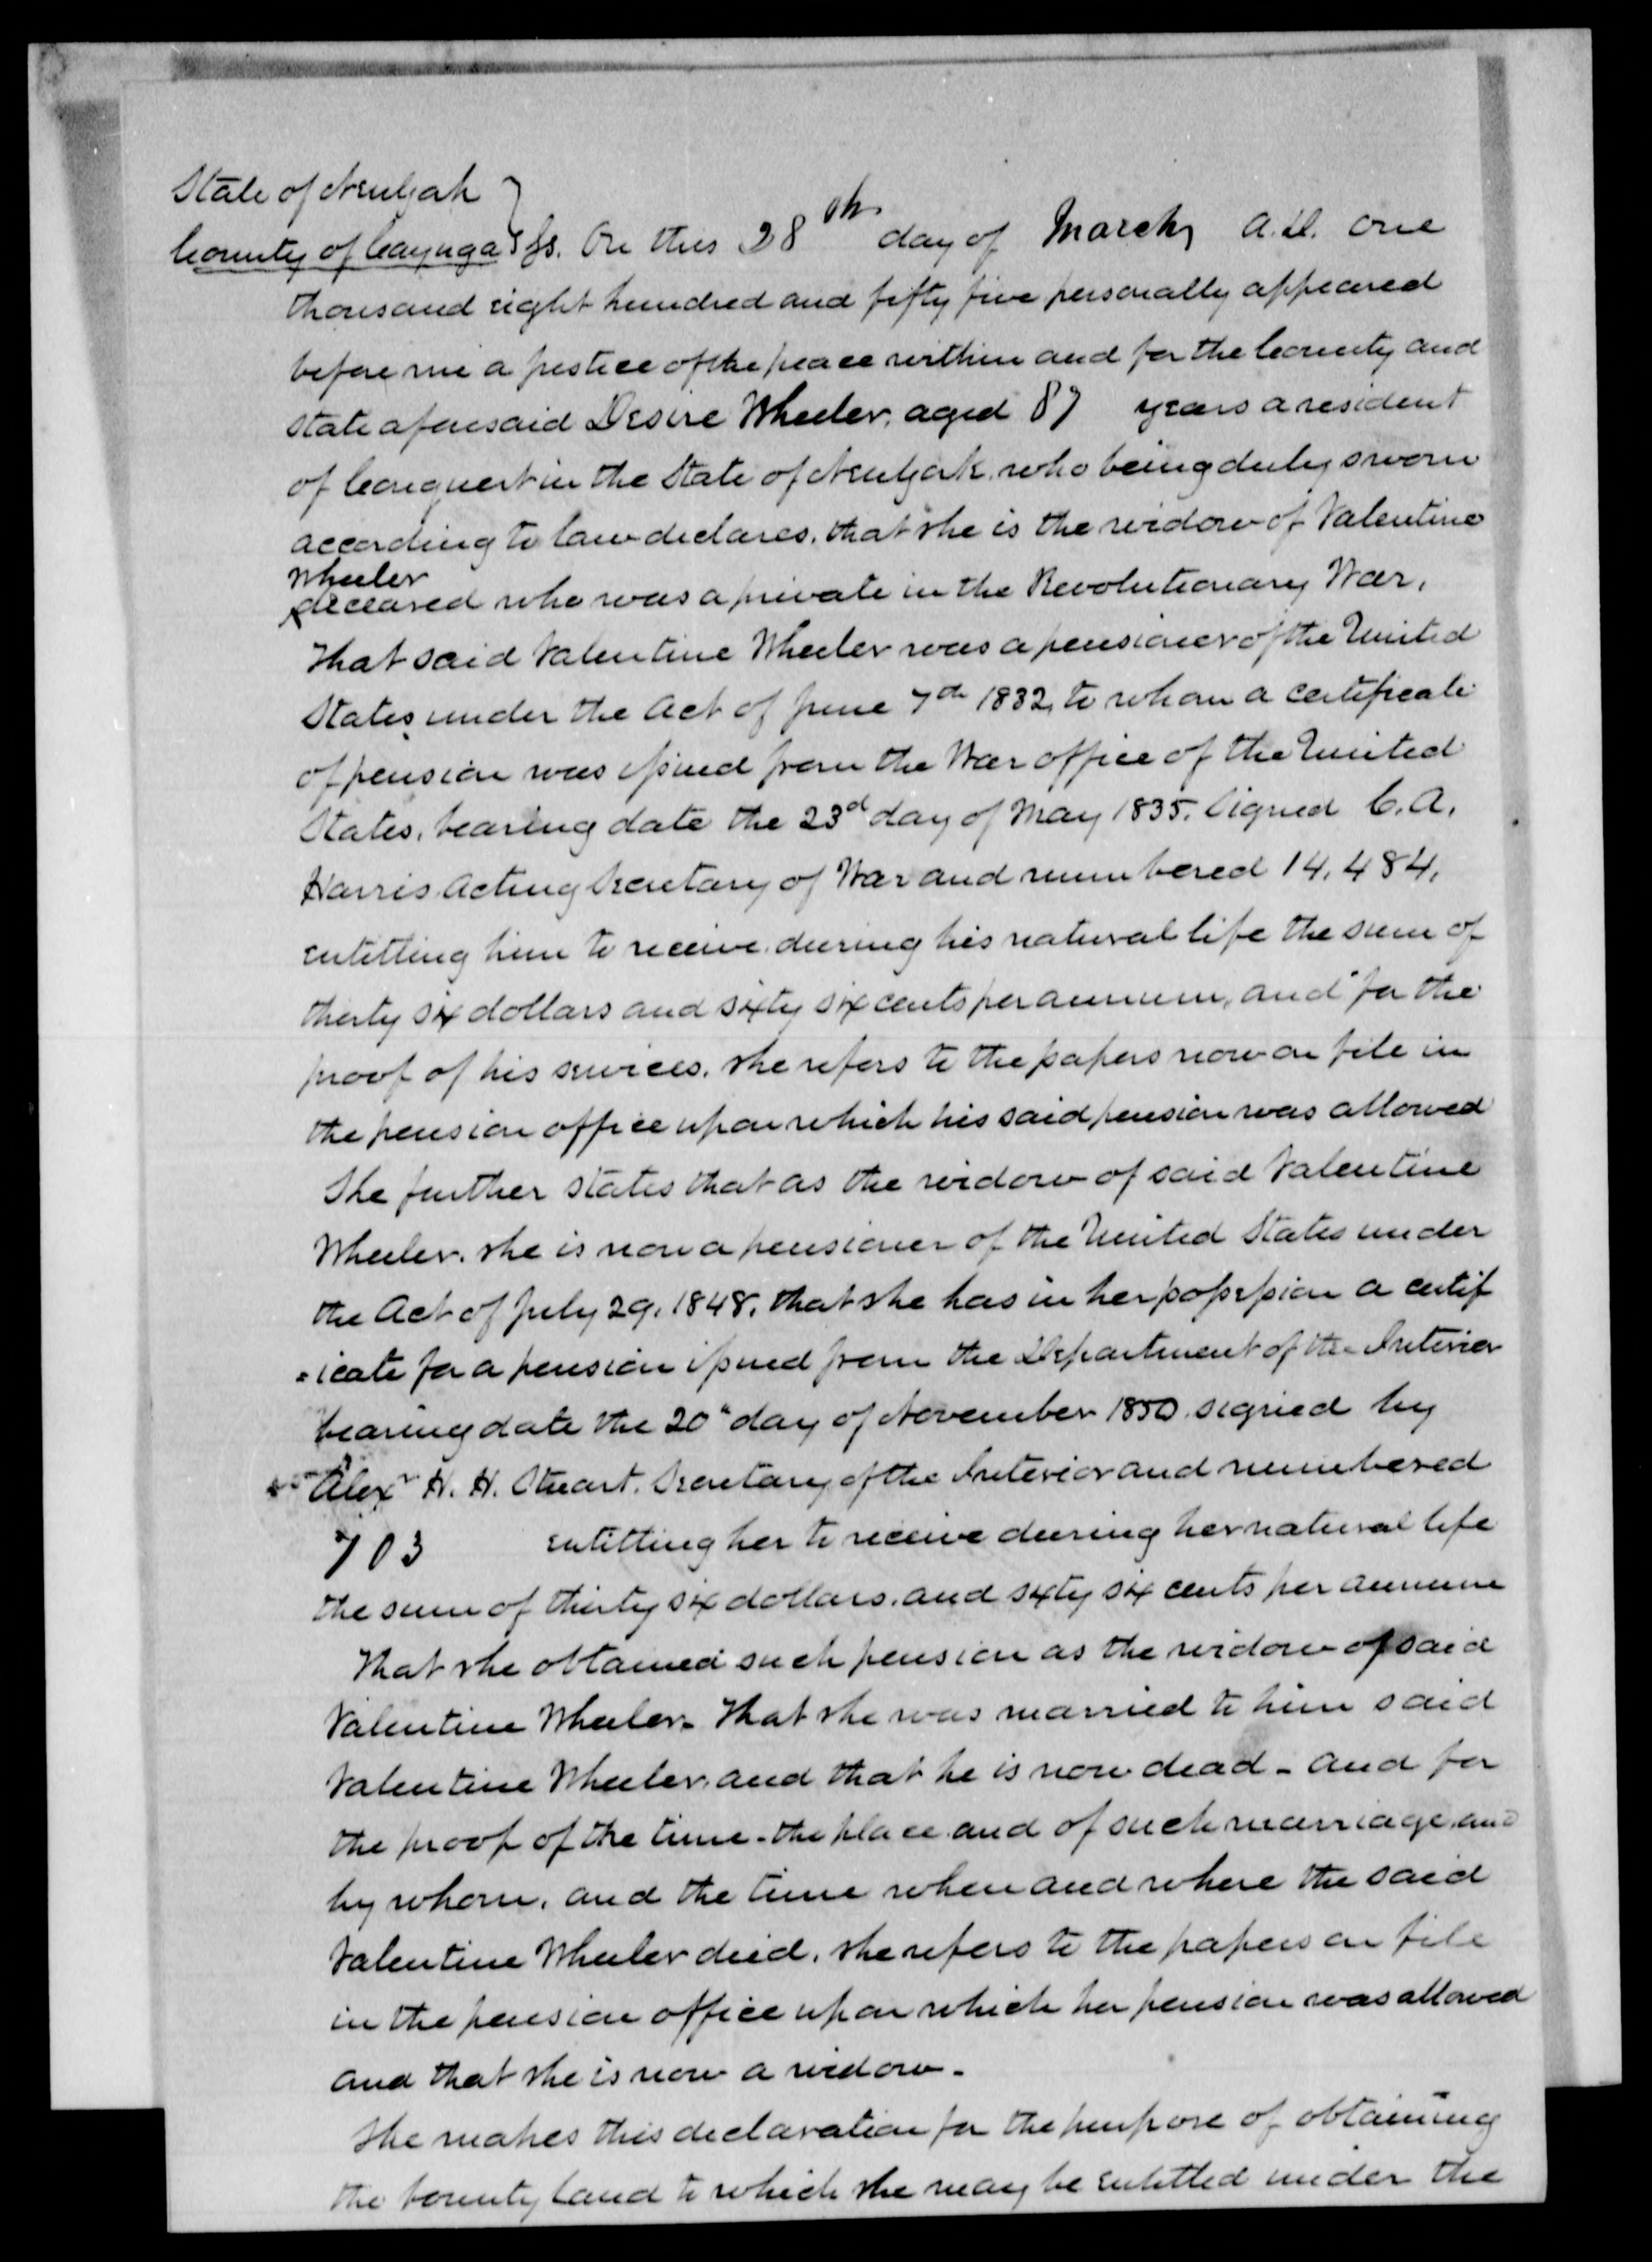State of New York
county of Cayuga SS
On this 28th day of March A. D. one thousand eight hundred and fifty five personally appeared before me a justice of the peace within and for the County and State aforesaid Desire Wheeler aged 87 years a resident of Conquest in the State of New York who being duly sworn according to law declares that she is the widow of Valentine Wheeler deceased who was a private in the Revolutionary War. that said Valentine Wheeler was a pensioner of the United States under the act of June 7th 1832 to whom a certificate of pension was issued from the War office of the United States bearing date the 23d day of May 1835, signed C. A. Harris acting Secretary of War and numbered 14,484, entitling him to receive during his natural life the sum of thirty six dollars and sixty six cents per annum and for the proof of his services, she refers to the papers now on file in the pension office upon which his said pension was allowed. She further states that as the widow of said Valentine Wheeler she is now a pensioner of the United States under the act of July 19,1848. that shew has in her possession a certificate for a pension issued from the Department of the Interior bearing date the 20th day of November 1850 signed by Alex H. H. Stuart Secretary of the Interior and numbered 703 entitling her to receive during her natural life the sum of thirty six dollars and sixty six cents per annum. 
That she obtained such pension as the widow of said Valentine Wheeler. that she was married to him said Valentine Wheeler and that he is now dead. And for the proof of the time, the place and of such marriage and by whom, and the time when and where the said Valentine Wheeler died she refers to the papers on file in the pension office upon which her pension was allowed and that she is now a widow.
She makes this declaration for the purpose of obtaining the bounty land to which she may be entitled under the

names: Alexr H H Stuart, C A Harris, Desire Wheeler, Valentine Wheeler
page: 20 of 98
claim: widow's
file: W. 1682, Valentine Wheeler, Mass.